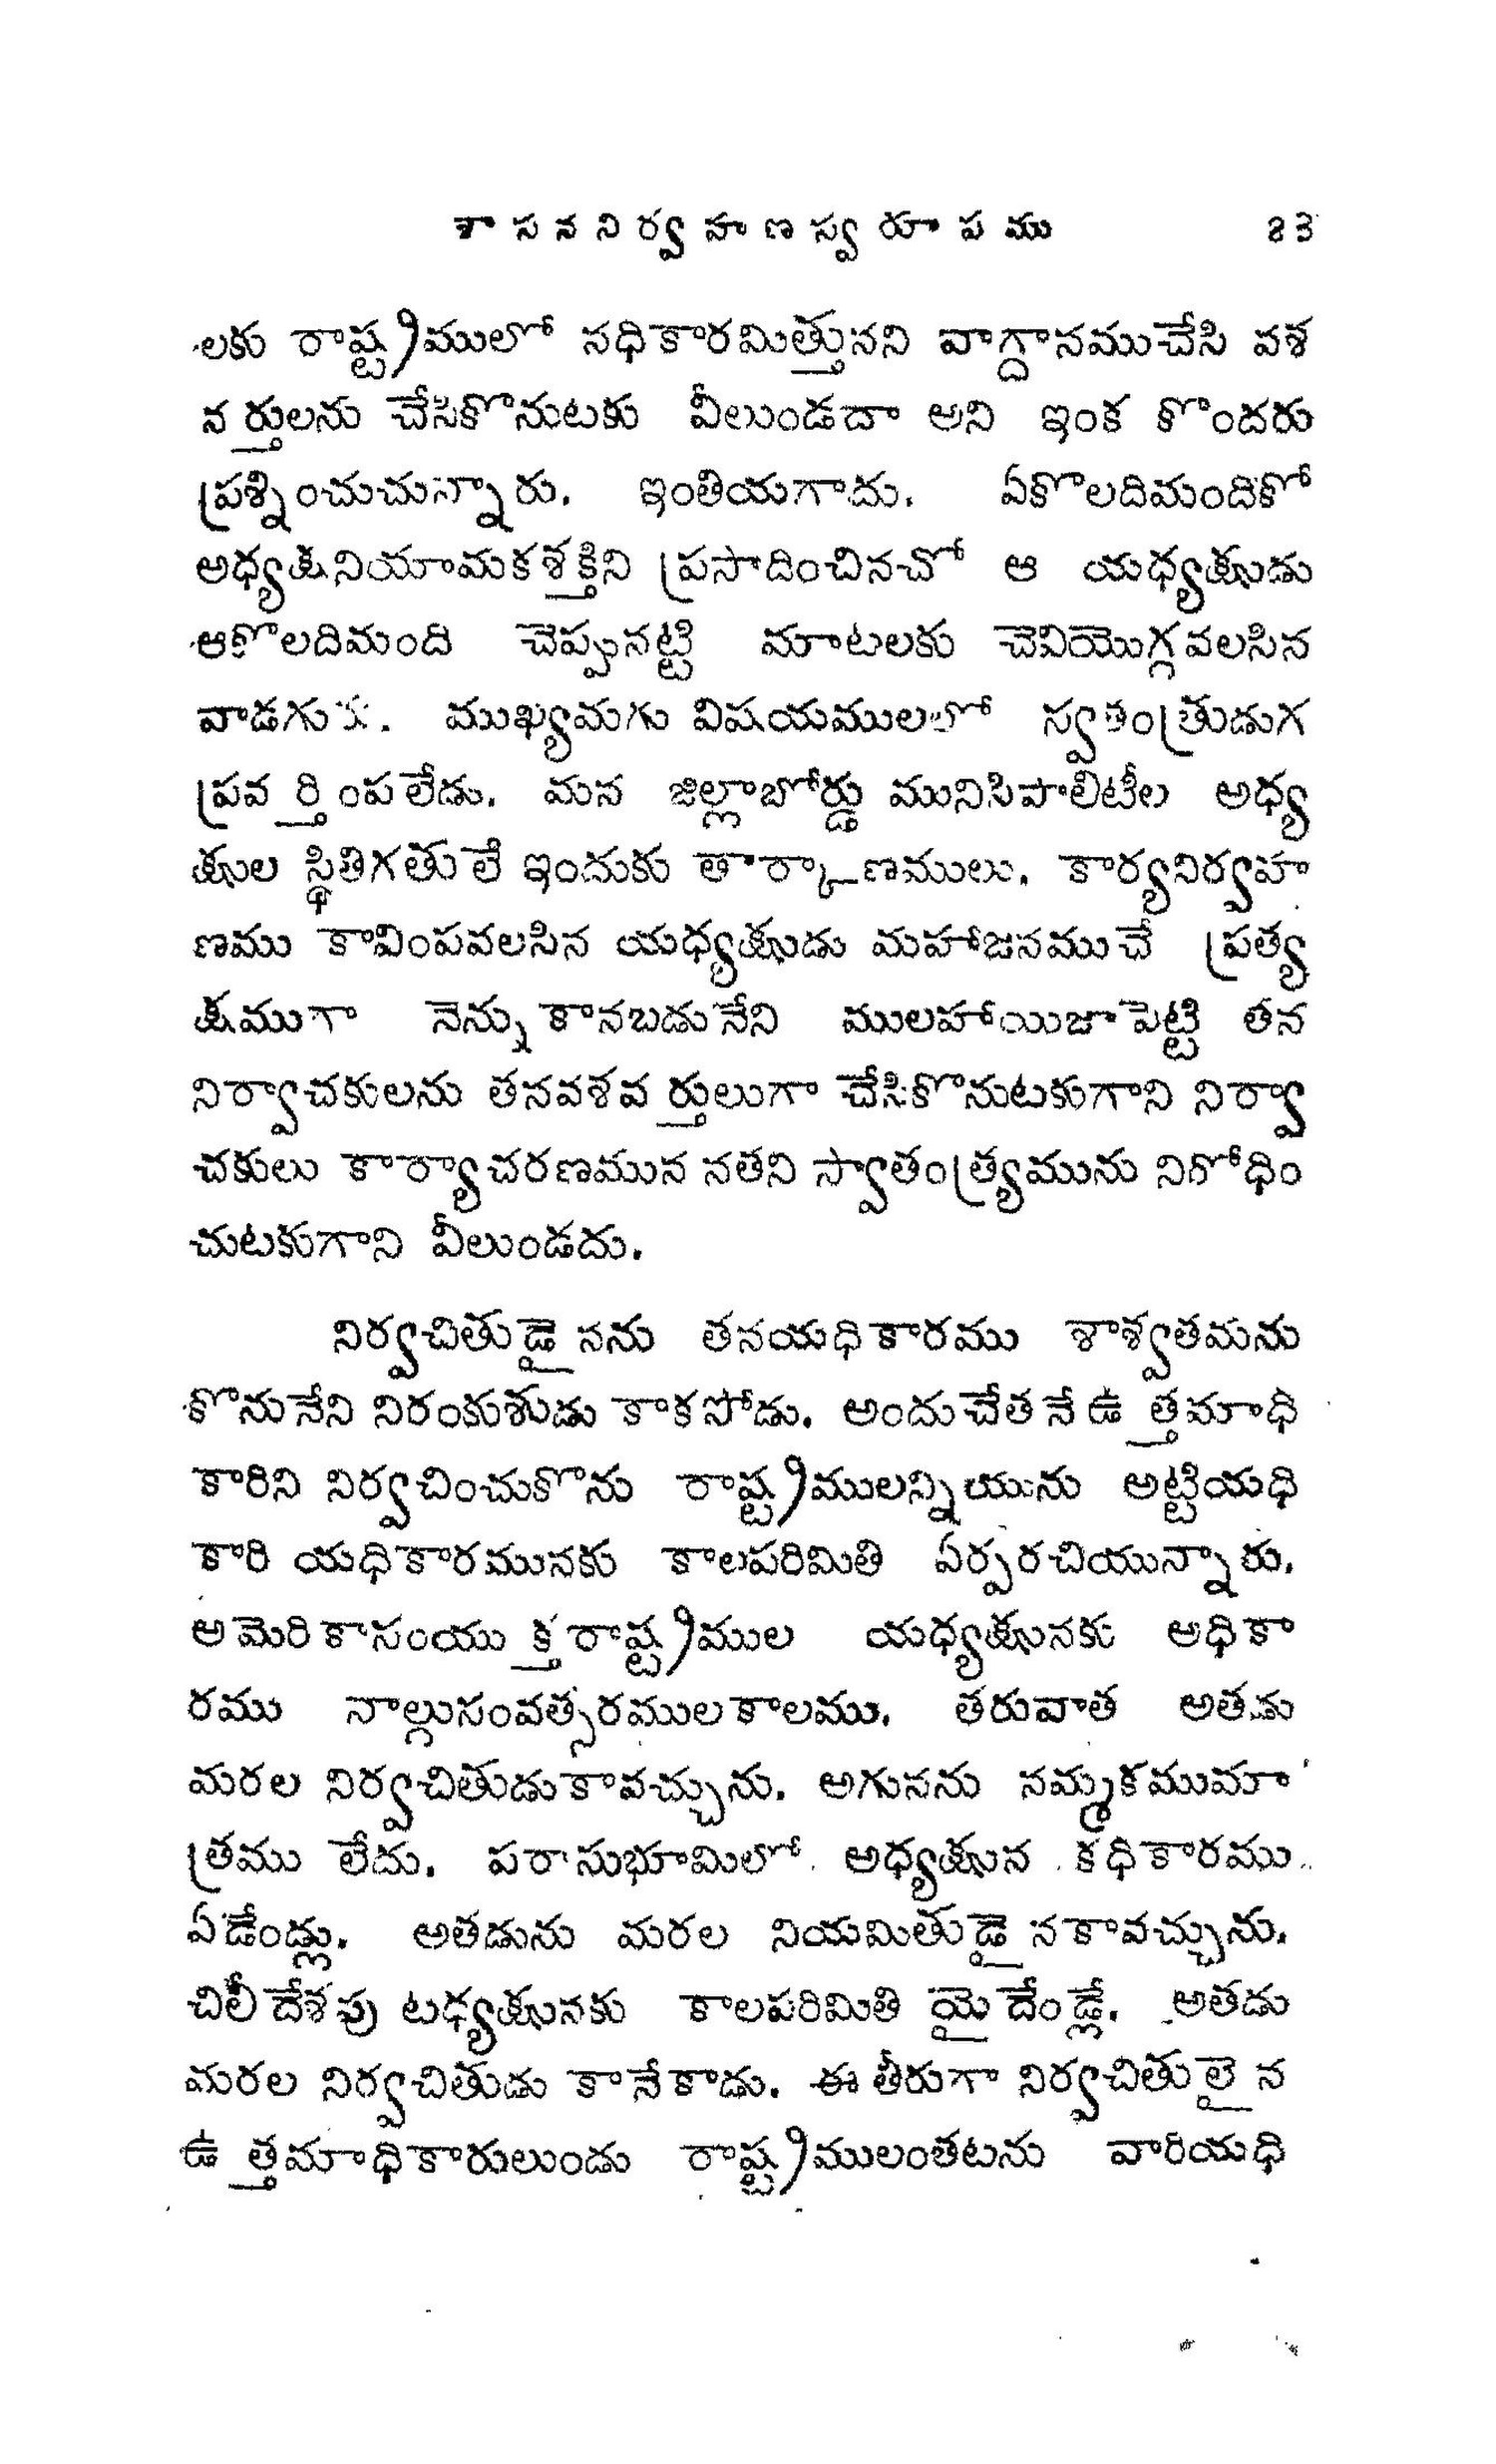లకు రాష్ట్రములో నధికారమిత్తునని వాగ్దానముచేసి వశవర్తులను చేసికొనుటకు వీలుండదా అని ఇంక కొందరు ప్రశ్నించుచున్నారు. ఇంతియగాదు. ఏకొలదిమందికో అధ్యక్షనియామకశక్తిని ప్రసాదించినచో ఆ యధ్యక్షుడు ఆకొలదిమంది చెప్పునట్టి మాటలకు చెవియొగ్గవలసిన వాడగును. ముఖ్యమగు విషయములలో స్వతంత్రుడుగ ప్రవర్తింపలేడు. మన జిల్లాబోర్డు మునిసిపాలిటీల అధ్యక్షుల స్థితిగతులే ఇందుకు తార్కాణములు. కార్యనిర్వహణము కావింపవలసిన యధ్యక్షుడు మహాజనముచే ప్రత్యక్షముగా నెన్ను కానబడునేని ములహాయిజాపెట్టి తన నిర్వాచకులను తనవశవర్తులుగా చేసికొనుటకుగాని నిర్వాచకులు కార్యాచరణమున నతని స్వాతంత్ర్యమును నిరోధించుటకుగాని వీలుండదు.

నిర్వచితుడైనను తనయధికారము శాశ్వతమనుకొనునేని నిరంకుశుడు కాకపోడు. అందుచేతనే ఉత్తమాధికారిని నిర్వచించుకొను రాష్ట్రములన్నియును అట్టియధికారి యధికారమునకు కాలపరిమితి ఏర్పరచియున్నారు. అమెరికాసంయుక్తరాష్ట్రముల యధ్యక్షునకు అధికారము నాల్గుసంవత్సరముల కాలము. తరువాత అతడు మరల నిర్వచితుడుకావచ్చును. అగునను నమ్మకముమాత్రము లేదు. పరాసుభూమిలో, అధ్యక్షున కధికారము ఏడేండ్లు. అతడును మరల నియమితుడైనకావచ్చును.
చిలీదేశపు టధ్యక్షునకు కాలపరిమితి యైదేండ్లే. అతడు మరల నిర్వచితుడు కానేకాడు. ఈ తీరుగా నిర్వచితులైన ఉత్తమాధికారులుండు రాష్ట్రములంతటను వారియధి